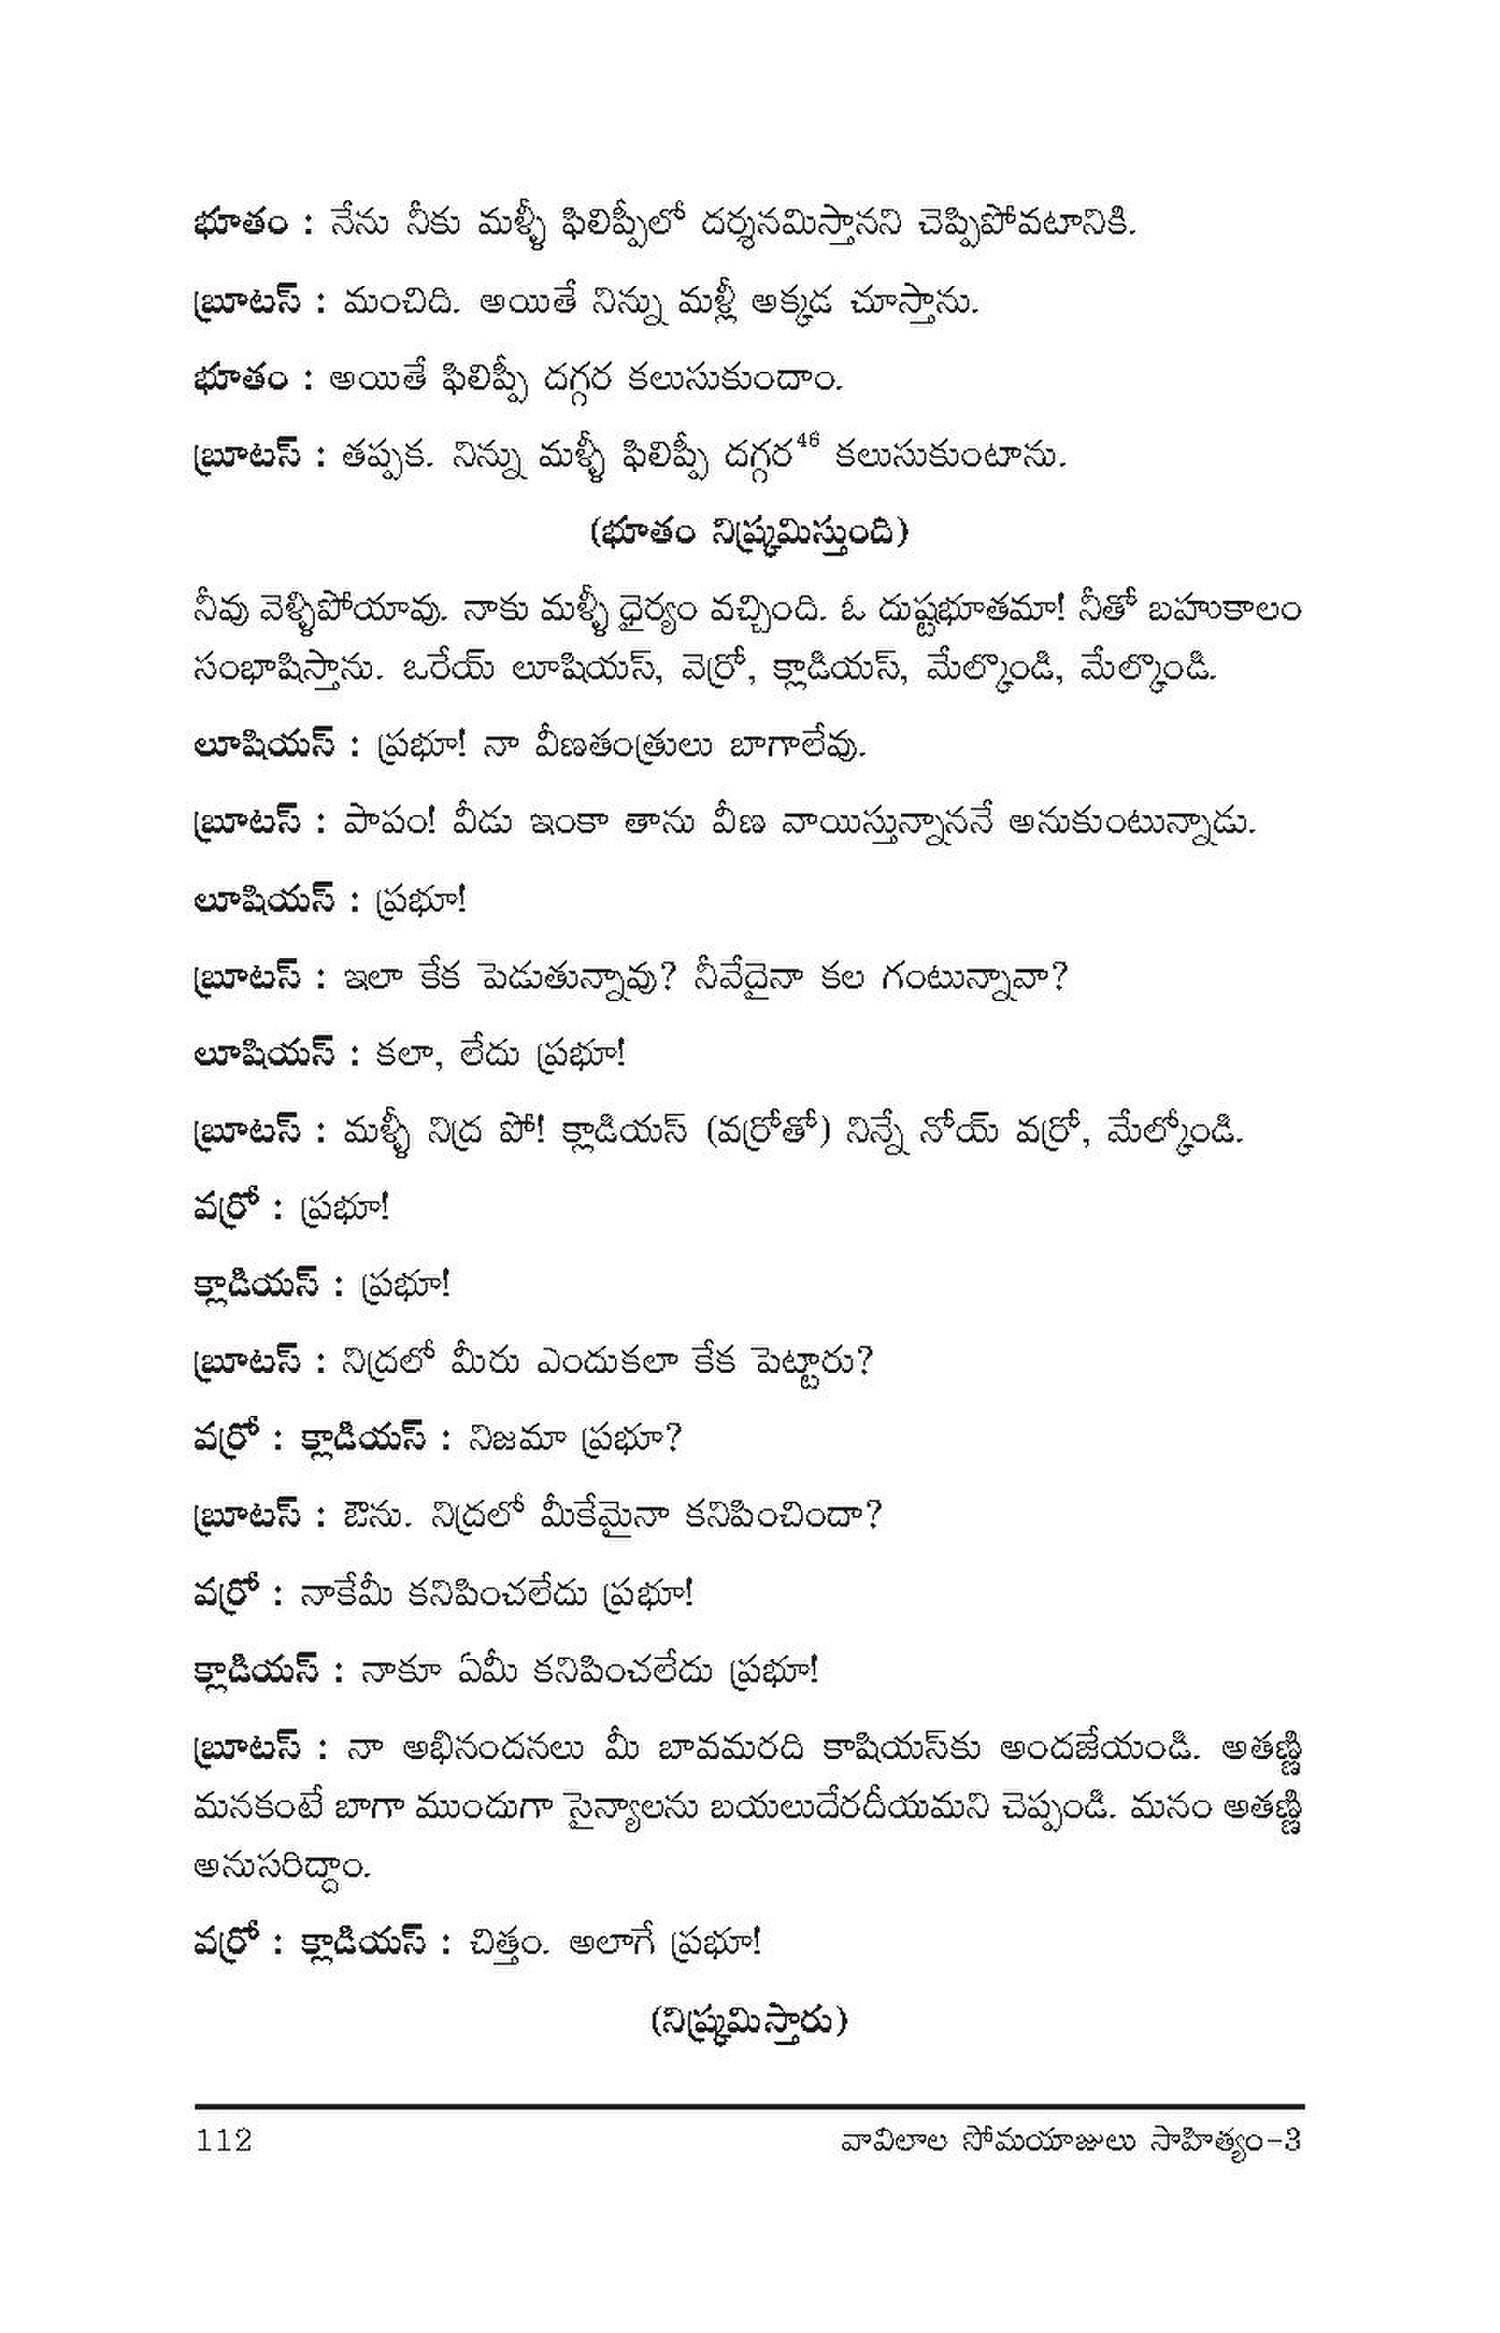భూతం : నేను నీకు మళ్ళీ ఫిలిప్పీలో దర్శనమిస్తానని చెప్పిపోవటానికి.

బ్రూటస్ : మంచిది. అయితే నిన్ను మళ్లీ అక్కడ చూస్తాను.

భూతం : అయితే ఫిలిప్పీ దగ్గర కలుసుకుందాం.

బ్రూటస్ : తప్పక. నిన్ను మళ్ళీ ఫిలిప్పీ దగ్గర46 కలుసుకుంటాను.

నీవు వెళ్ళిపోయావు. నాకు మళ్ళీ ధైర్యం వచ్చింది. ఓ దుష్టభూతమా! నీతో బహుకాలం సంభాషిస్తాను. ఒరేయ్ లూషియస్, వెర్రో, క్లాడియస్, మేల్కొండి, మేల్కొండి.

లూషియస్ : ప్రభూ! నా వీణతంత్రులు బాగాలేవు.

బ్రూటస్ : పాపం! వీడు ఇంకా తాను వీణ వాయిస్తున్నాననే అనుకుంటున్నాడు.

లూషియస్ : ప్రభూ!

బ్రూటస్ : ఇలా కేక పెడుతున్నావు? నీవేదైనా కల గంటున్నావా?

లూషియస్ : కలా, లేదు ప్రభూ!

బ్రూటస్ : మళ్ళీ నిద్ర పో! క్లాడియస్ (వర్రోతో) నిన్నే నోయ్ వర్రో, మేల్కోండి.

వర్రో : ప్రభూ!

క్లాడియస్ : ప్రభూ!

బ్రూటస్ : నిద్రలో మీరు ఎందుకలా కేక పెట్టారు?

వర్రో : క్లాడియస్ : నిజమా ప్రభూ?

బ్రూటస్ : ఔను. నిద్రలో మీకేమైనా కనిపించిందా?

వర్రో : నాకేమీ కనిపించలేదు ప్రభూ!

క్లాడియస్ : నాకూ ఏమీ కనిపించలేదు ప్రభూ!

బ్రూటస్ : నా అభినందనలు మీ బావమరది కాషియస్ కు అందజేయండి. అతణ్ణి మనకంటే బాగా ముందుగా సైన్యాలను బయలుదేరదీయమని చెప్పండి. మనం అతణ్ణి అనుసరిద్దాం.

వర్రో : క్లాడియస్: చిత్తం. అలాగే ప్రభూ!